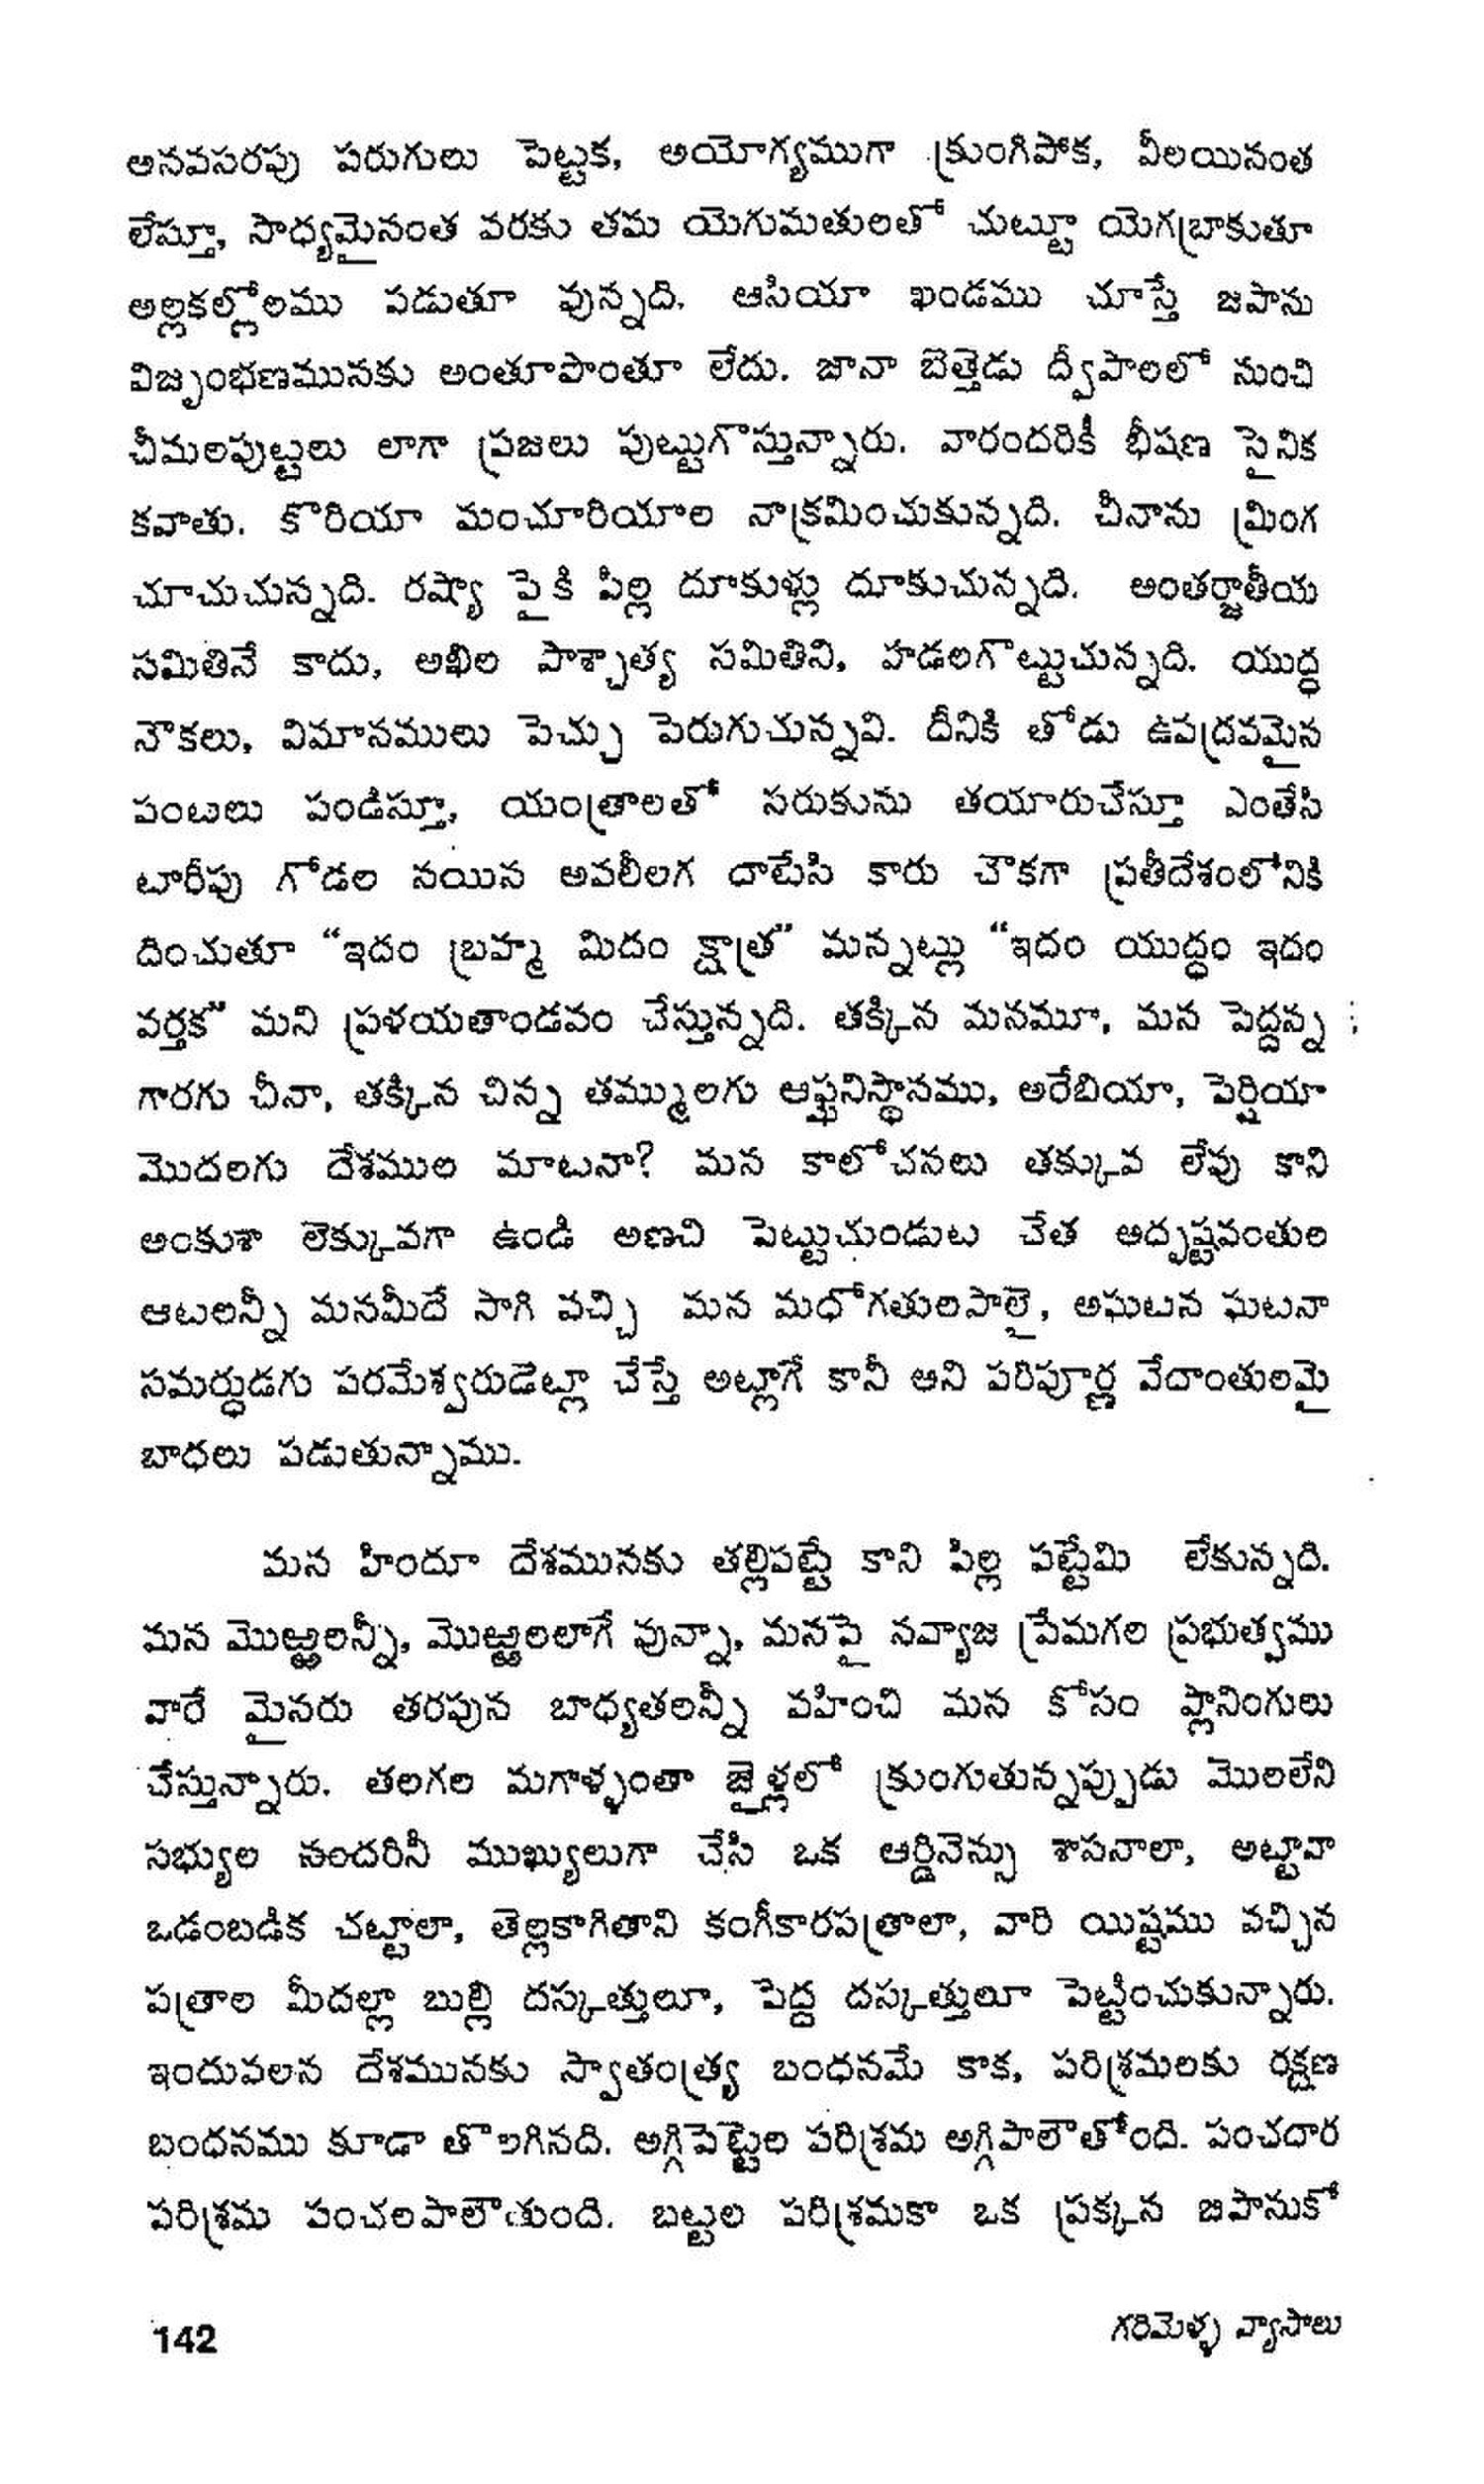అనవసరపు పరుగులు పెట్టక, అయోగ్యముగ క్రుంగిపోక, వీలయినంత లేస్తూ, సాధ్యమైనంత వరకు తమ యెగుమతులతో చుట్టూ యెగబ్రాకుతూ అల్లకల్లోలము పడుతూ వున్నది. ఆసియా ఖండము చూస్తే జపాను విజృంభణమునకు అంతూపొంతూ లెదు. జానా బెత్తెడు ద్వీపాలలో నుంచి చీమలపుట్టలు లాగా ప్రజలు పుట్టుగొస్తున్నారు. వారందరికీ భీషణ సైనిక కవాతు, కొరియా మంచూరియాల నాక్రమించుకున్నది. చీనాను మ్రింగ చూచున్నది. రష్యా పైకి పిల్ల దూకుళ్లు దూకుచున్నది. అంతర్జాతీయ సమితినే కదు, అఖిల పాశ్చాత్య సమితిని, హడలగొట్టుచున్నది. యుద్ధ నౌకలు, విమానములు పెచ్చు పెరుగుచున్నవి. దీనికి తోడు ఉపద్రవమైన పంటలు పండిస్తూ యంత్రాలతో సరుకును తయారుచేస్తూ ఎంతేసి టారీపు గోడల నయిన అవలీలగ దాటేసి కారు చౌకగా ప్రతీదేశంలోనికి దించుతూ "ఇదం బ్రహ్మ మిదం క్షాత్ర" మన్నట్లు "ఇదం యుద్ధం ఇదం వర్తక" మని ప్రళయతాండవం చేస్తున్నది. తక్కిన మనమూ, మన పెద్దన్నగారగు చీనా, తక్కిన చిన్న తమ్ములగు ఆప్ఘనిస్థానము, అరేబియా, పెర్షియా మొదలగు దేశముల మాటనా? మన కాలోచనలు తక్కువ లేవు కాని అంకుశా లెక్కువగా ఉండి అణచి పెట్టుచుండుట చేత అదృష్టవంతుల ఆటలన్నీ మనమీదే సాగి వచ్చి మన మధోగతులపాలై, ఆఘటన ఘటనా సమర్ధుడగు పరమేశ్వరుడెట్లా చేస్తే అట్లాగే కానీ అని పరిపూర్ణ వేదాంతులమై బాధలు పడుతున్నాము.

మన హిందూ దేశమునకు తల్లిపట్టే కాని పిల్ల పట్టేమి లేకున్నది. మన మొఱ్ఱలన్నీ, మొఱ్ఱలలాగే వున్నా, మనపై నవ్యాజ ప్రేమగల ప్రభుత్వము వారే మైనరు తరపున బాధ్యతలన్నీ వహించి మన కోసం ప్లానింగులు చేస్తున్నారు. తలగల మగాళ్ళంతా జైళ్లలో క్రుంగుతున్నప్పుడు మొలలేని సభ్యుల నందరినీ ముఖ్యులుగా చేసి ఒక ఆర్డినెన్సు శాసనాలా, అట్టావా ఒడంబడిక చట్టాలా, తెల్లకాగితాని కంగీకారపత్రాలా, వారి యిష్టము వచ్చిన పత్రాల మీదల్లా బుల్లి దస్కత్తులూ, పెద్ద దస్కత్తులూ పెట్టించుకున్నారు. ఇందువలన దేశమునకు స్వాతంత్ర్య బంధనమే కాక, పరిశ్రమలకు రక్షణ బంధనము కూడా తొలగినది. అగ్గిపెట్టెల పరిశ్రమ అగ్గిపాలౌతోంది. పంచదార పరిశ్రమ పంచలపాలౌతుంది. బట్టల పరిశ్రమకా ఒక ప్రక్కన జపానుకో